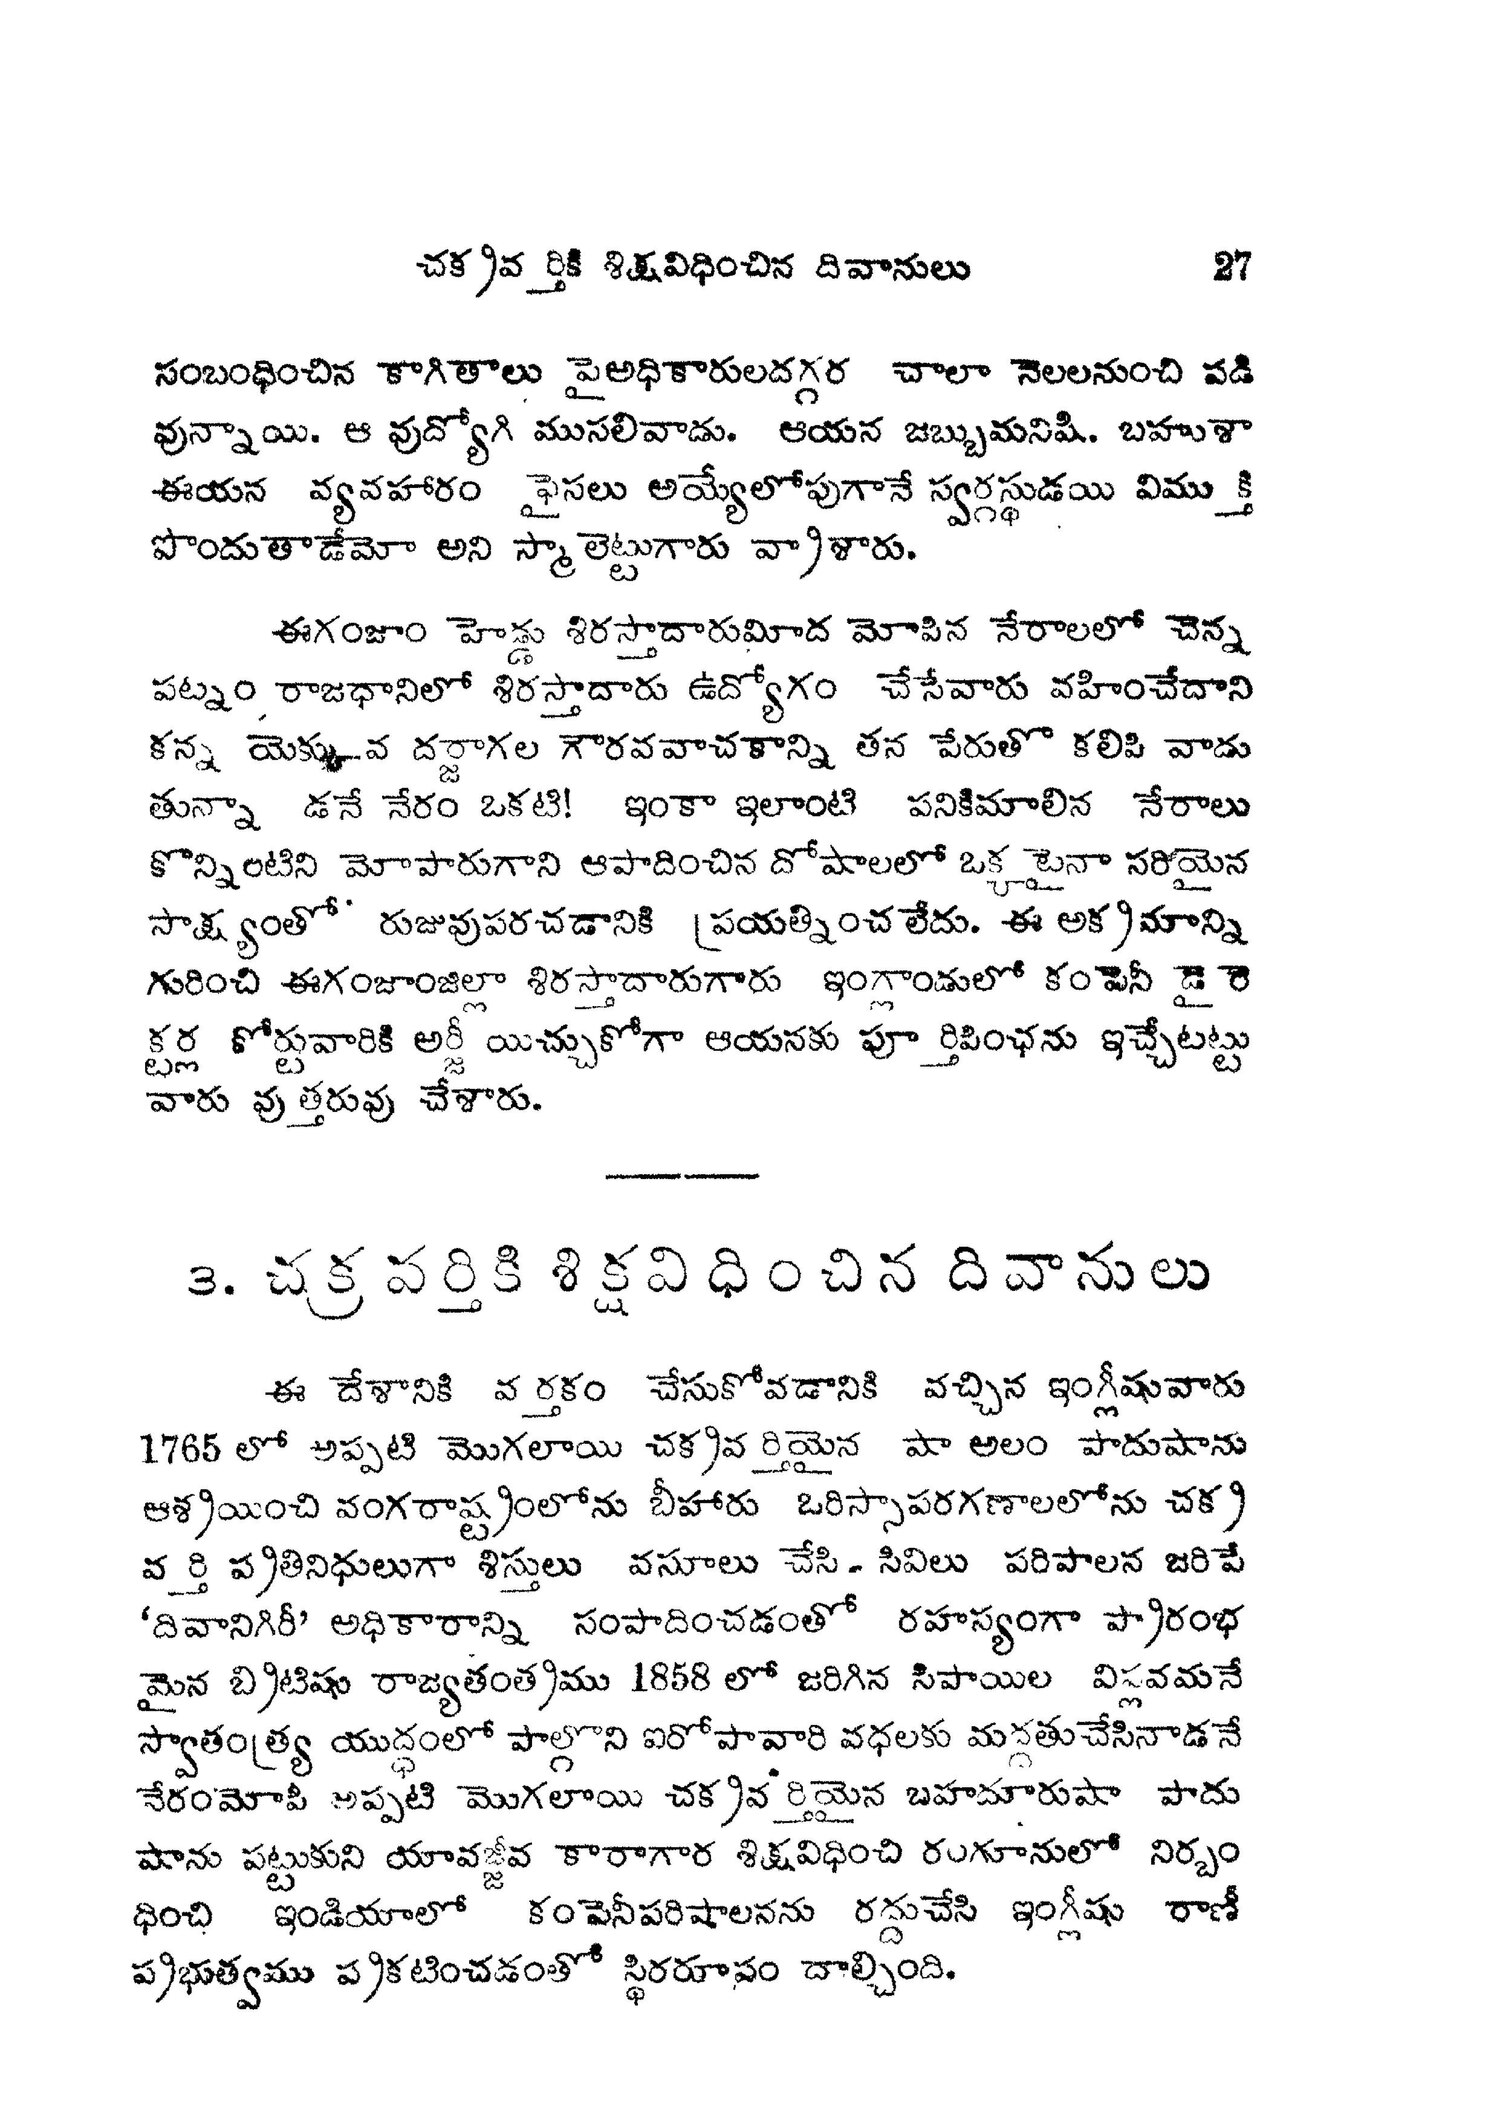సంబంధించిన కాగితాలు పైఅధికారులదగ్గర చాలా నెలలనుంఛి పడివున్నాయి. ఆవుద్యోగి ముసలివాడు. అయ;న జబ్బుమనిషి బహుశా ఈయన వ్యవహారం ఫైనలు అయ్యేలొపుగానె స్వర్గస్థుడయి విముక్తి పొందుతాడేమో అని స్మాలెట్టు గారు వ్రాశారు.

ఈగంజాం హెడ్దు శిరస్తాదారుమీద మోపిన నేరాలలో చెన్నపట్నం రాజధానిలో శిరస్తాదారు ఉద్యోగం చేసేవారు వహించేదానికన్న యెక్కువ దర్జాగల గౌరవాచకాన్ని తన పేరుతో కలిపి వాడుతున్నా డనే నేరం ఒకటి! ఇంకా ఇలాంటి పనికిమాలిన నేరాలు కొన్నింటిని మోపారుగాని ఆపాదించిన దోషాలలో ఒక్కటైనా సరియైన సాక్ష్యంతో రుజువుపరచడానికి ప్రయత్నించలేదు. ఈ అక్రమాన్ని గురించి ఈగంజాంజిల్లా శిరస్తాదారుగారు ఇంగ్లాండులో కంపెనీ డైరెక్టర్ల కోర్టువారికి అర్జీ యిచ్చుకొగా ఆయనకు పూర్తిఫించను ఇచ్చేటట్టు వారు వుత్తరువు చేశారు.

 
 
ఈ దేశానికి వర్తకం చేసుకోవడానికి వచ్చిన ఇంగ్లీషువారు 1765 లో అప్పటి మొగలాయి చక్రవర్తియైన షా ఆలం పాదుషాను ఆశ్రయించి వంగరాష్ట్రములోను బీహారు ఒరిస్సాపరగణాలలోను చక్రవర్తి ప్రతినిదులుగా శిస్తులు వసూలు చేసి, సివిలు పరిపాలన జరిపే 'దివానిగిరీ ' ఆధికారాన్ని సంపాదించడంతో రహస్యంగా ప్రారంభమైన బ్రిటిషు రాజ్యతంత్రము 1858 లో జరిగిన సిపాయిల విప్లవమనే స్వాతంత్రము యుద్ధంలో పాల్గొని ఐరోపావారి వధలకు మద్దతుచేసినాడనే నేరం మోపి అప్పటి మొగలాయి చక్రవర్తియైన బహదూరుషా పాదుషాను పట్టుకుని యావజ్జీవ కారాగార శిక్షవిధించి రంగూనులో నిర్భంధించి ఇండియాలో కంపెనీపరిపాలనను రద్దుచేసి ఇంగ్లీషు రాణీ ప్రభుత్వము ప్రకటించడంతో స్ధిరరూపం దాల్చింది.